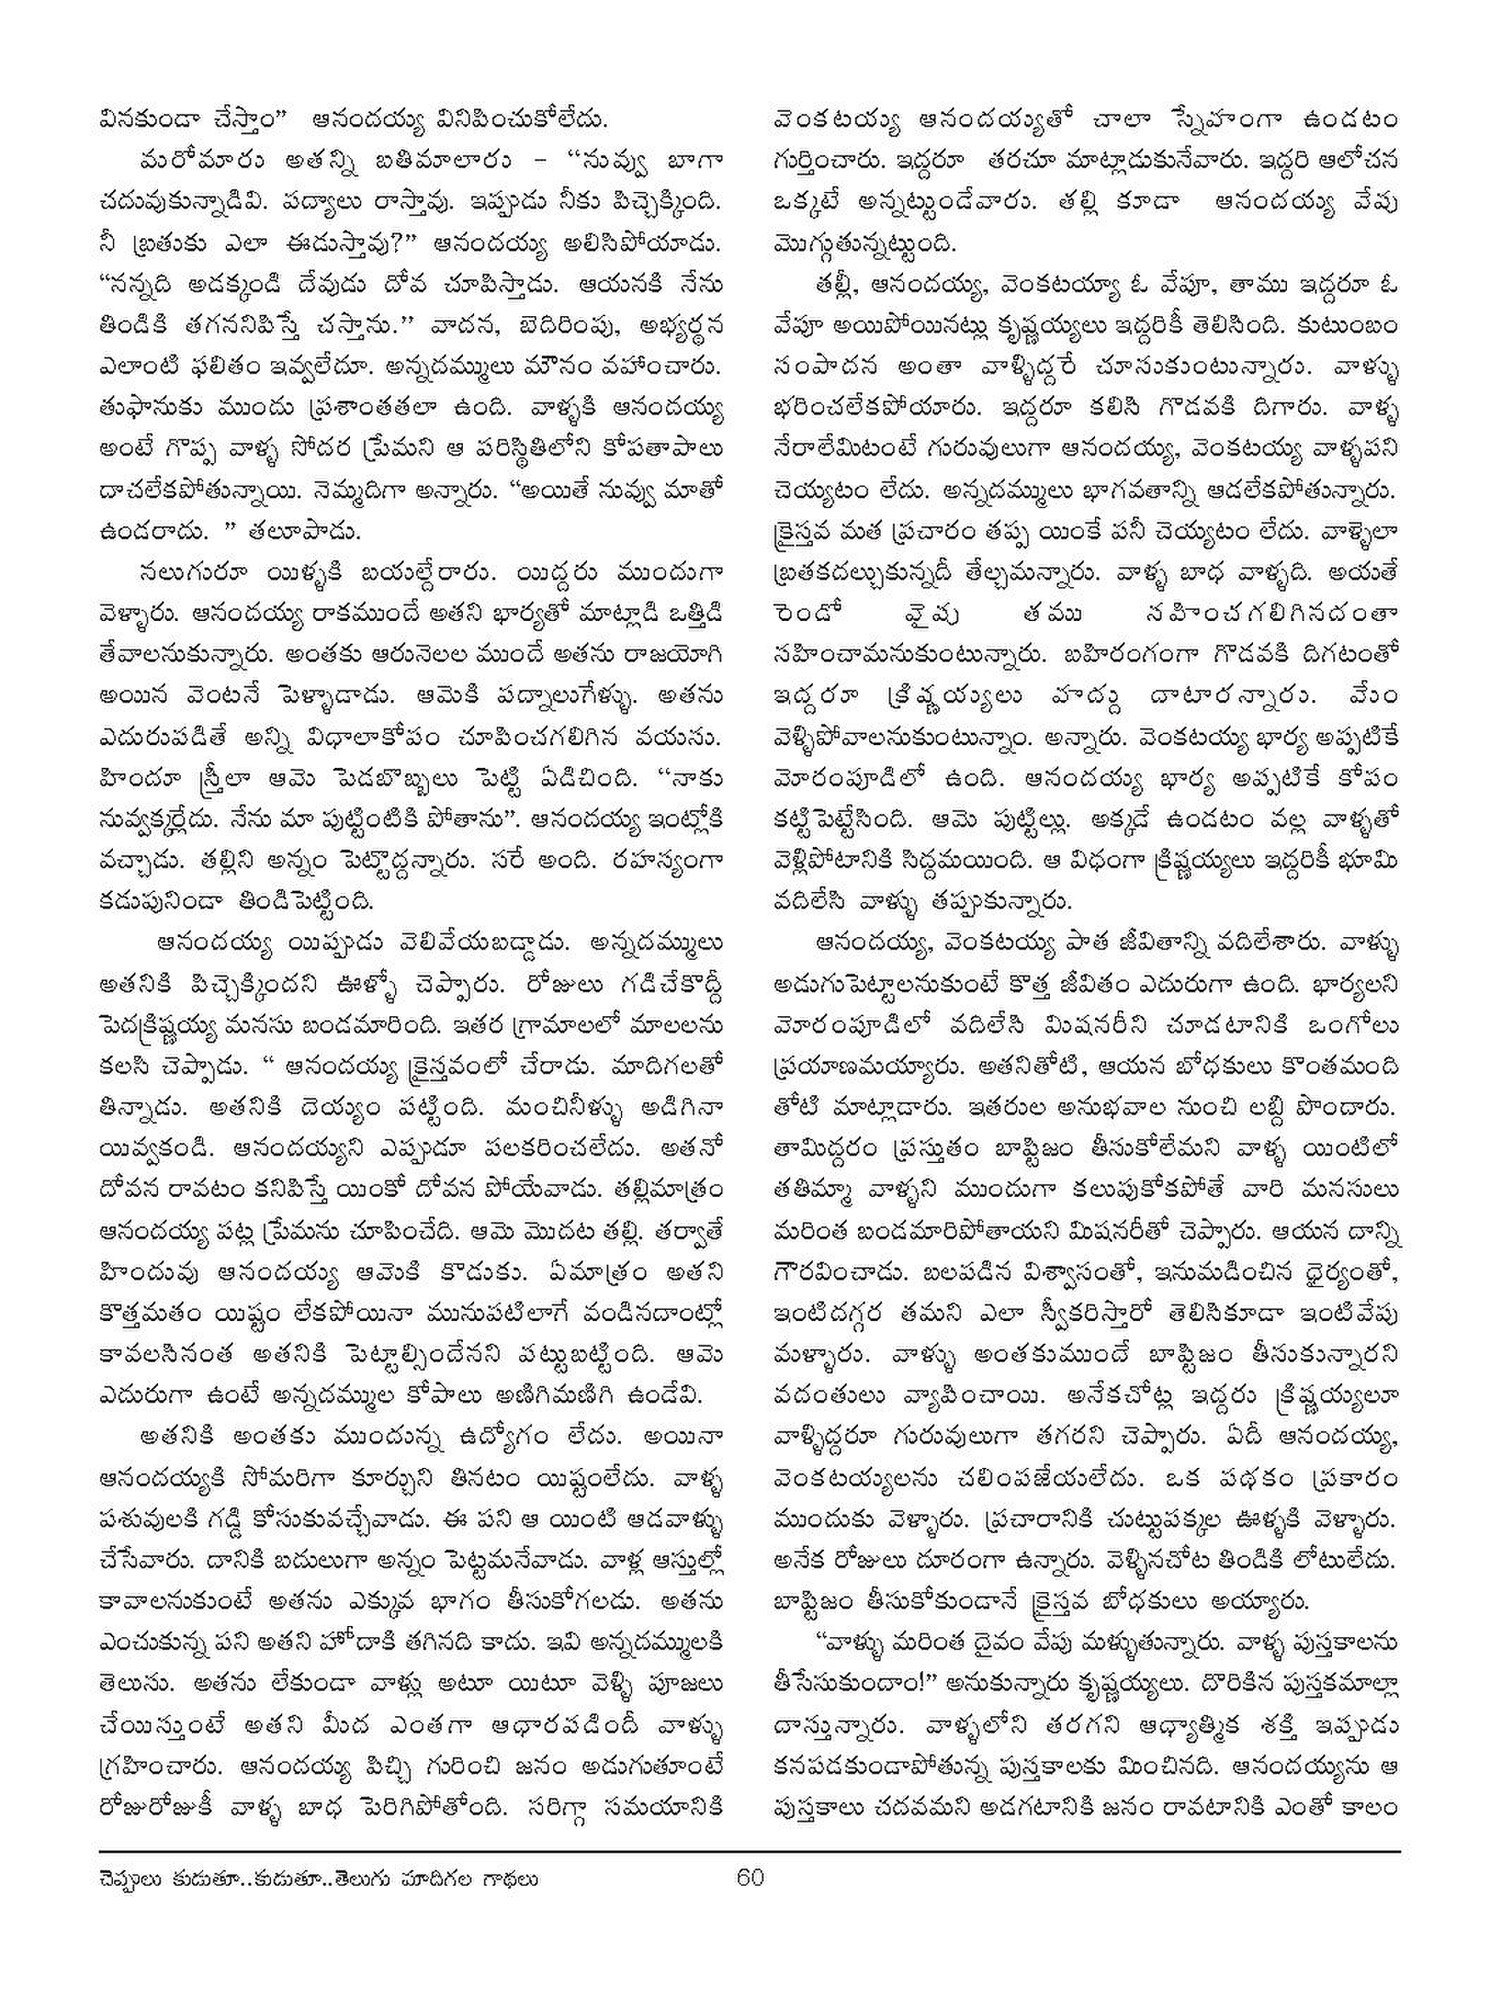వినకుండా చేస్తాం" ఆనందయ్య వినిపించుకోలేదు.

మరోమారు అతన్ని బతిమాలారు. "నువ్వు బాగా చదువుకున్నాడివి. పద్యాలు రాస్తావు. ఇప్పుడు నీకు పిచ్చెక్కింది. నీ బ్రతుకు ఎలా ఈడుస్తావు?" ఆనందయ్య అలిసిపోయాడు. "నన్నది అడక్కండి దేవుడు దోవ చూపిస్తాడు. ఆయనకి నేను తిండికి తగననిపిస్తే చస్తాను." వాదన, బెదిరింపు, అభ్యర్థన
ఎలాంటి ఫలితం ఇవ్వలేదూ. అన్నదమ్ములు మౌనం వహించారు. తుఫానుకు ముందు ప్రశాంతతలా ఉంది. వాళ్ళకి ఆనందయ్య అంటే గొప్ప వాళ్ళ సోదర ప్రేమని ఆ పరిస్థితిలోని కోపతాపాలు
దాచలేకపోతున్నాయి. నెమ్మదిగా అన్నారు. "అయితే నువ్వు మాతో ఉండరాదు." తలూపాడు.

నలుగురూ యిళ్ళకి బయల్దేరారు. యిద్దరు ముందుగా వెళ్ళారు. ఆనందయ్య రాకముందే అతని భార్యతో మాట్లాడి ఒత్తిడి తేవాలనుకున్నారు. అంతకు ఆరునెలల ముందే అతను రాజయోగి అయిన వెంటనే పెళ్ళాడాడు. ఆమెకి పద్నాలుగేళ్ళు. అతను ఎదురుపడితే అన్ని విధాలాకోపం చూపించగలిగిన వయసు.
హిందూ స్త్రీలా ఆమె పెడబొబ్బలు పెట్టి ఏడిచింది. “నాకు నువ్వక్కర్లేదు. నేను మా పుట్టింటికి పోతాను". ఆనందయ్య ఇంట్లోకి వచ్చాడు. తల్లిని అన్నం పెట్టొద్దన్నారు. సరే అంది. రహస్యంగా కడుపునిండా తిండిపెట్టింది.

ఆనందయ్య యిప్పుడు వెలివేయబడ్డాడు. అన్నదమ్ములు అతనికి పిచ్చెక్కిందని ఊళ్ళో చెప్పారు. రోజులు గడిచేకొద్దీ పెదక్రిష్ణయ్య మనసు బండమారింది. ఇతర గ్రామాలలో మాలలను కలసి చెప్పాడు. "ఆనందయ్య క్రైస్తవంలో చేరాడు. మాదిగలతో తిన్నాడు. అతనికి దెయ్యం పట్టింది. మంచినీళ్ళు అడిగినా
యివ్వకండి. ఆనందయ్యని ఎప్పుడూ పలకరించలేదు. అతనో దోవన రావటం కనిపిస్తే యింకో దోవన పోయేవాడు. తల్లిమాత్రం ఆనందయ్య పట్ల ప్రేమను చూపించేది. ఆమె మొదట తల్లి. తర్వాతే హిందువు ఆనందయ్య ఆమెకి కొడుకు. ఏమాత్రం అతని కొత్తమతం యిష్టం లేకపోయినా మునుపటిలాగే వండినదాంట్లో కావలసినంత అతనికి పెట్టాల్సిందేనని పట్టుబట్టింది. ఆమె ఎదురుగా ఉంటే అన్నదమ్ముల కోపాలు అణిగిమణిగి ఉండేవి.

అతనికి అంతకు ముందున్న ఉద్యోగం లేదు. అయినా ఆనందయ్యకి సోమరిగా కూర్చుని తినటం యిష్టంలేదు. వాళ్ళ పశువులకి గడ్డి కోసుకువచ్చేవాడు. ఈ పని ఆ యింటి ఆడవాళ్ళు చేసేవారు. దానికి బదులుగా అన్నం పెట్టమనేవాడు. వాళ్ల ఆస్తుల్లో కావాలనుకుంటే అతను ఎక్కువ భాగం తీసుకోగలడు. అతను ఎంచుకున్న పని అతని హోదాకి తగినది కాదు. ఇవి అన్నదమ్ములకి తెలుసు. అతను లేకుండా వాళ్లు అటూ యిటూ వెళ్ళి పూజలు చేయిస్తుంటే అతని మీద ఎంతగా ఆధారపడిందీ వాళ్ళు గ్రహించారు. ఆనందయ్య పిచ్చి గురించి జనం అడుగుతూంటే రోజురోజుకీ వాళ్ళ బాధ పెరిగిపోతోంది. సరిగ్గా సమయానికి
వెంకటయ్య ఆనందయ్యతో చాలా స్నేహంగా ఉండటం గుర్తించారు. ఇద్దరూ తరచూ మాట్లాడుకునేవారు. ఇద్దరి ఆలోచన ఒక్కటే అన్నట్టుండేవారు. తల్లి కూడా ఆనందయ్య వేపు మొగ్గుతున్నట్టుంది.

తల్లీ, ఆనందయ్య, వెంకటయ్యా ఓ వేపూ, తాము ఇద్దరూ ఓ వేపూ అయిపోయినట్లు కృష్ణయ్యలు ఇద్దరికీ తెలిసింది. కుటుంబం సంపాదన అంతా వాళ్ళిద్దరే చూసుకుంటున్నారు. వాళ్ళు భరించలేకపోయారు. ఇద్దరూ కలిసి గొడవకి దిగారు. వాళ్ళ నేరాలేమిటంటే గురువులుగా ఆనందయ్య, వెంకటయ్య వాళ్ళపని
చెయ్యటం లేదు. అన్నదమ్ములు భాగవతాన్ని ఆడలేకపోతున్నారు. క్రైస్తవ మత ప్రచారం తప్ప యింకే పనీ చెయ్యటం లేదు. వాళ్ళెలా బ్రతకదల్చుకున్నదీ తేల్చమన్నారు. వాళ్ళ బాధ వాళ్ళది. అయితే రెండో వైపు తము సహించగలిగినదంతా సహించామనుకుంటున్నారు. బహిరంగంగా గొడవకి దిగటంతో ఇద్దరూ క్రిష్ణయ్యలు హద్దు దాటారన్నారు. మేం వెళ్ళిపోవాలనుకుంటున్నాం. అన్నారు. వెంకటయ్య భార్య అప్పటికే
మోరంపూడిలో ఉంది. ఆనందయ్య భార్య అప్పటికే కోపం కట్టిపెట్టేసింది. ఆమె పుట్టిల్లు. అక్కడే ఉండటం వల్ల వాళ్ళతో వెళ్లిపోటానికి సిద్దమయింది. ఆ విధంగా క్రిష్ణయ్యలు ఇద్దరికీ భూమి వదిలేసి వాళ్ళు తప్పుకున్నారు.

ఆనందయ్య, వెంకటయ్య పాత జీవితాన్ని వదిలేశారు. వాళ్ళు అడుగుపెట్టాలనుకుంటే కొత్త జీవితం ఎదురుగా ఉంది. భార్యలని మోరంపూడిలో వదిలేసి మిషనరీని చూడటానికి ఒంగోలు ప్రయాణమయ్యారు. అతనితోటి, ఆయన బోధకులు కొంతమంది తోటి మాట్లాడారు. ఇతరుల అనుభవాల నుంచి లబ్ది పొందారు. తామిద్దరం ప్రస్తుతం బాప్టిజం తీసుకోలేమని వాళ్ళ యింటిలో తతిమ్మా వాళ్ళని ముందుగా కలుపుకోకపోతే వారి మనసులు మరింత బండమారిపోతాయని మిషనరీతో చెప్పారు. ఆయన దాన్ని
గౌరవించాడు. బలపడిన విశ్వాసంతో, ఇనుమడించిన ధైర్యంతో, ఇంటిదగ్గర తమని ఎలా స్వీకరిస్తారో తెలిసికూడా ఇంటివేపు మళ్ళారు. వాళ్ళు అంతకుముందే బాప్టిజం తీసుకున్నారని వదంతులు వ్యాపించాయి. అనేకచోట్ల ఇద్దరు క్రిష్ణయ్యలూ వాళ్ళిద్దరూ గురువులుగా తగరని చెప్పారు. ఏదీ ఆనందయ్య,
వెంకటయ్యలను చలింపజేయలేదు. ఒక పథకం ప్రకారం ముందుకు వెళ్ళారు. ప్రచారానికి చుట్టుపక్కల ఊళ్ళకి వెళ్ళారు. అనేక రోజులు దూరంగా ఉన్నారు. వెళ్ళినచోట తిండికి లోటులేదు. బాప్టిజం తీసుకోకుండానే క్రైస్తవ బోధకులు అయ్యారు.

“వాళ్ళు మరింత దైవం వేపు మళ్ళుతున్నారు. వాళ్ళ పుస్తకాలను తీసేసుకుందాం!" అనుకున్నారు కృష్ణయ్యలు. దొరికిన పుస్తకమాల్లా దాస్తున్నారు. వాళ్ళలోని తరగని ఆధ్యాత్మిక శక్తి ఇప్పుడు
కనపడకుండాపోతున్న పుస్తకాలకు మించినది. ఆనందయ్యను ఆ పుస్తకాలు చదవమని అడగటానికి జనం రావటానికి ఎంతో కాలం